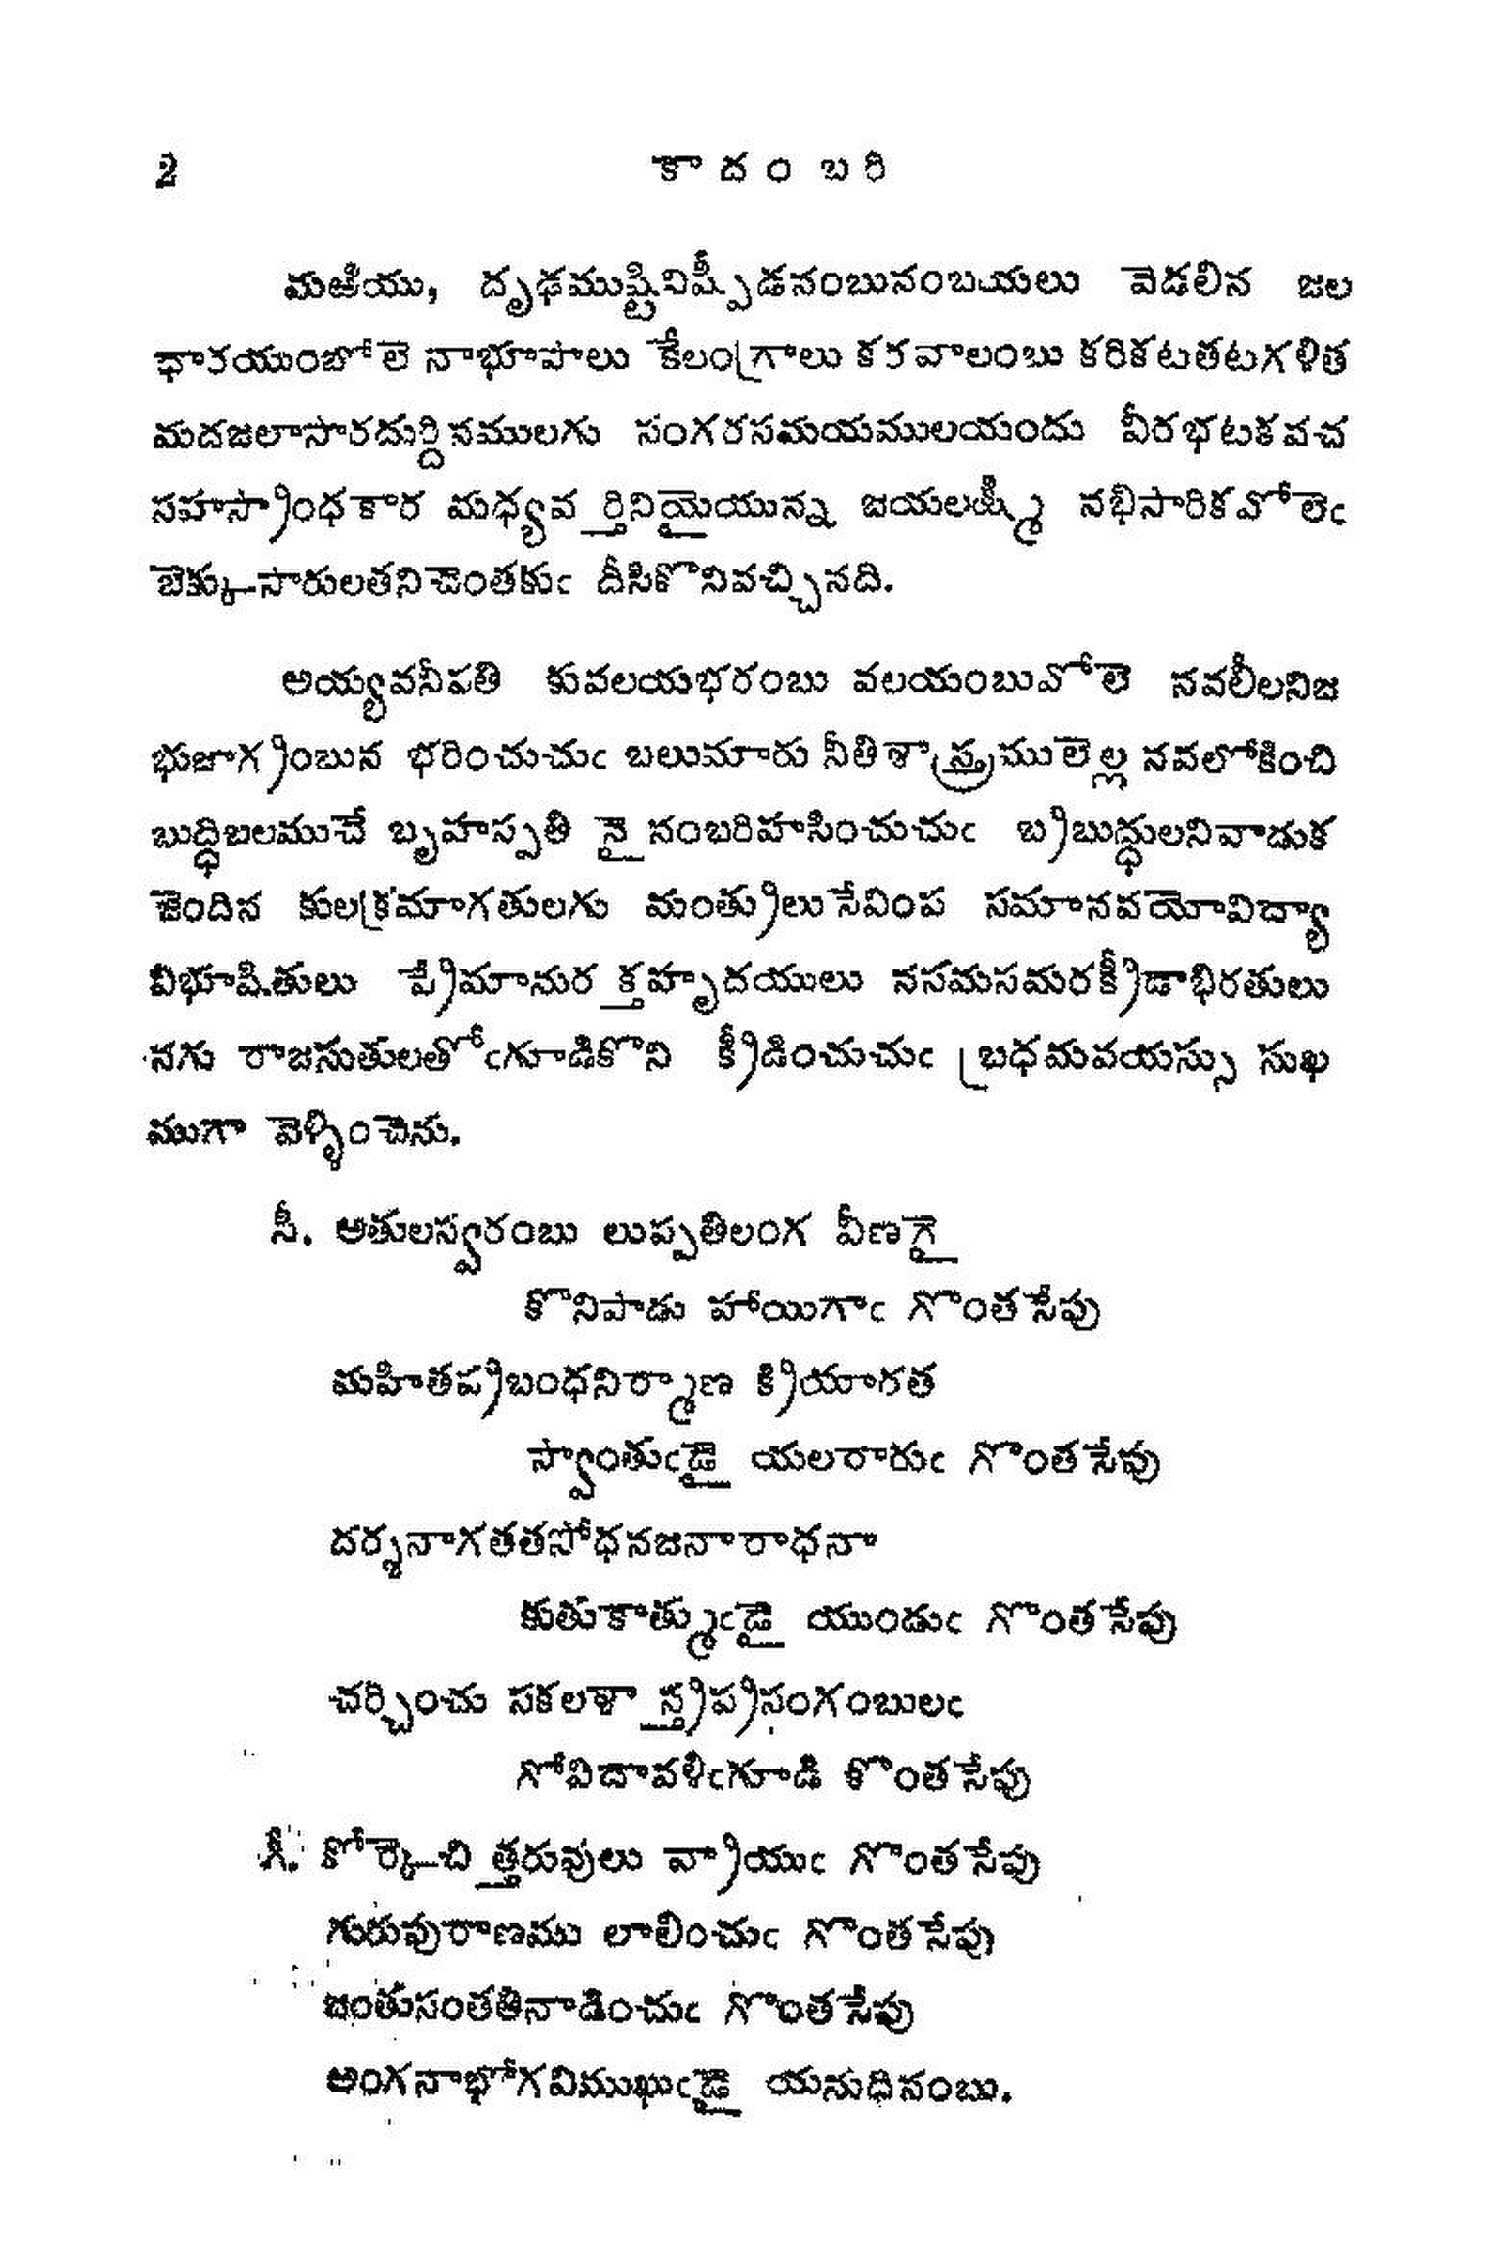మఱియు, దృఢముష్టినిష్పీడనంబునంబయలు వెడలిన జలధారయుంబోలె నాభూపాలు కేలంగ్రాలు కరవాలంబు కరికటతటగళిత మదజలాసారదుర్దినములగు సంగరసమయములయందు వీరభటకవచ సహస్రాంధకార మధ్యవర్తినియైయున్న జయలక్ష్మి నభిసారికవోలెఁ బెక్కుసారులతనిచెంతకుఁ దీసికొనివచ్చినది.

అయ్యవనీపతి కువలయభరంబు వలయంబువోలె నవలీలనిజ భుజాగ్రంబున భరించుచుఁ బలుమారు నీతిశాస్త్రములెల్ల నవలోకించి బుద్ధిబలముచే బృహస్పతి నై నంబరిహసించుచుఁ బ్రబుద్ధులనివాడుక జెందిన కులక్రమాగతులగు మంత్రులు సేవింప సమానవయోవిద్యా విభూషితులు ప్రేమానురక్తహృదయులు నసమసమరక్రీడాభిరతులు నగు రాజసుతులతోఁ గూడికొని క్రీడించుచుఁ బ్రధమవయస్సు సుఖముగా వెళ్ళించెను.

సీ. అతులస్వరంబు లుప్పతిలంగ వీణగై
 కొనిపాడు హాయిగాఁ గొంతసేపు
 మహితప్రబంధనిర్మాణ క్రియారత
 స్వాంతుఁడై యలరారుఁ గొంతసేపు
 దర్శనాగతతసోధనజనారాధనా
 కుతుకాత్ముఁడై యుండుఁ గొంతసేపు
 చర్చించు సకలశాస్త్రప్రసంగంబులఁ
 గోవిదావళిఁగూడి కొంతసేపు

గీ. కోర్కెచిత్తరువులు వ్రాయుఁ గొంతసేపు
 గురుపురాణము లాలించుఁ గొంతసేపు
 జంతుసంతతినాడించుఁ గొంతసేపు
 అంగనాభోగవిముఖుఁడై యనుదినంబు.